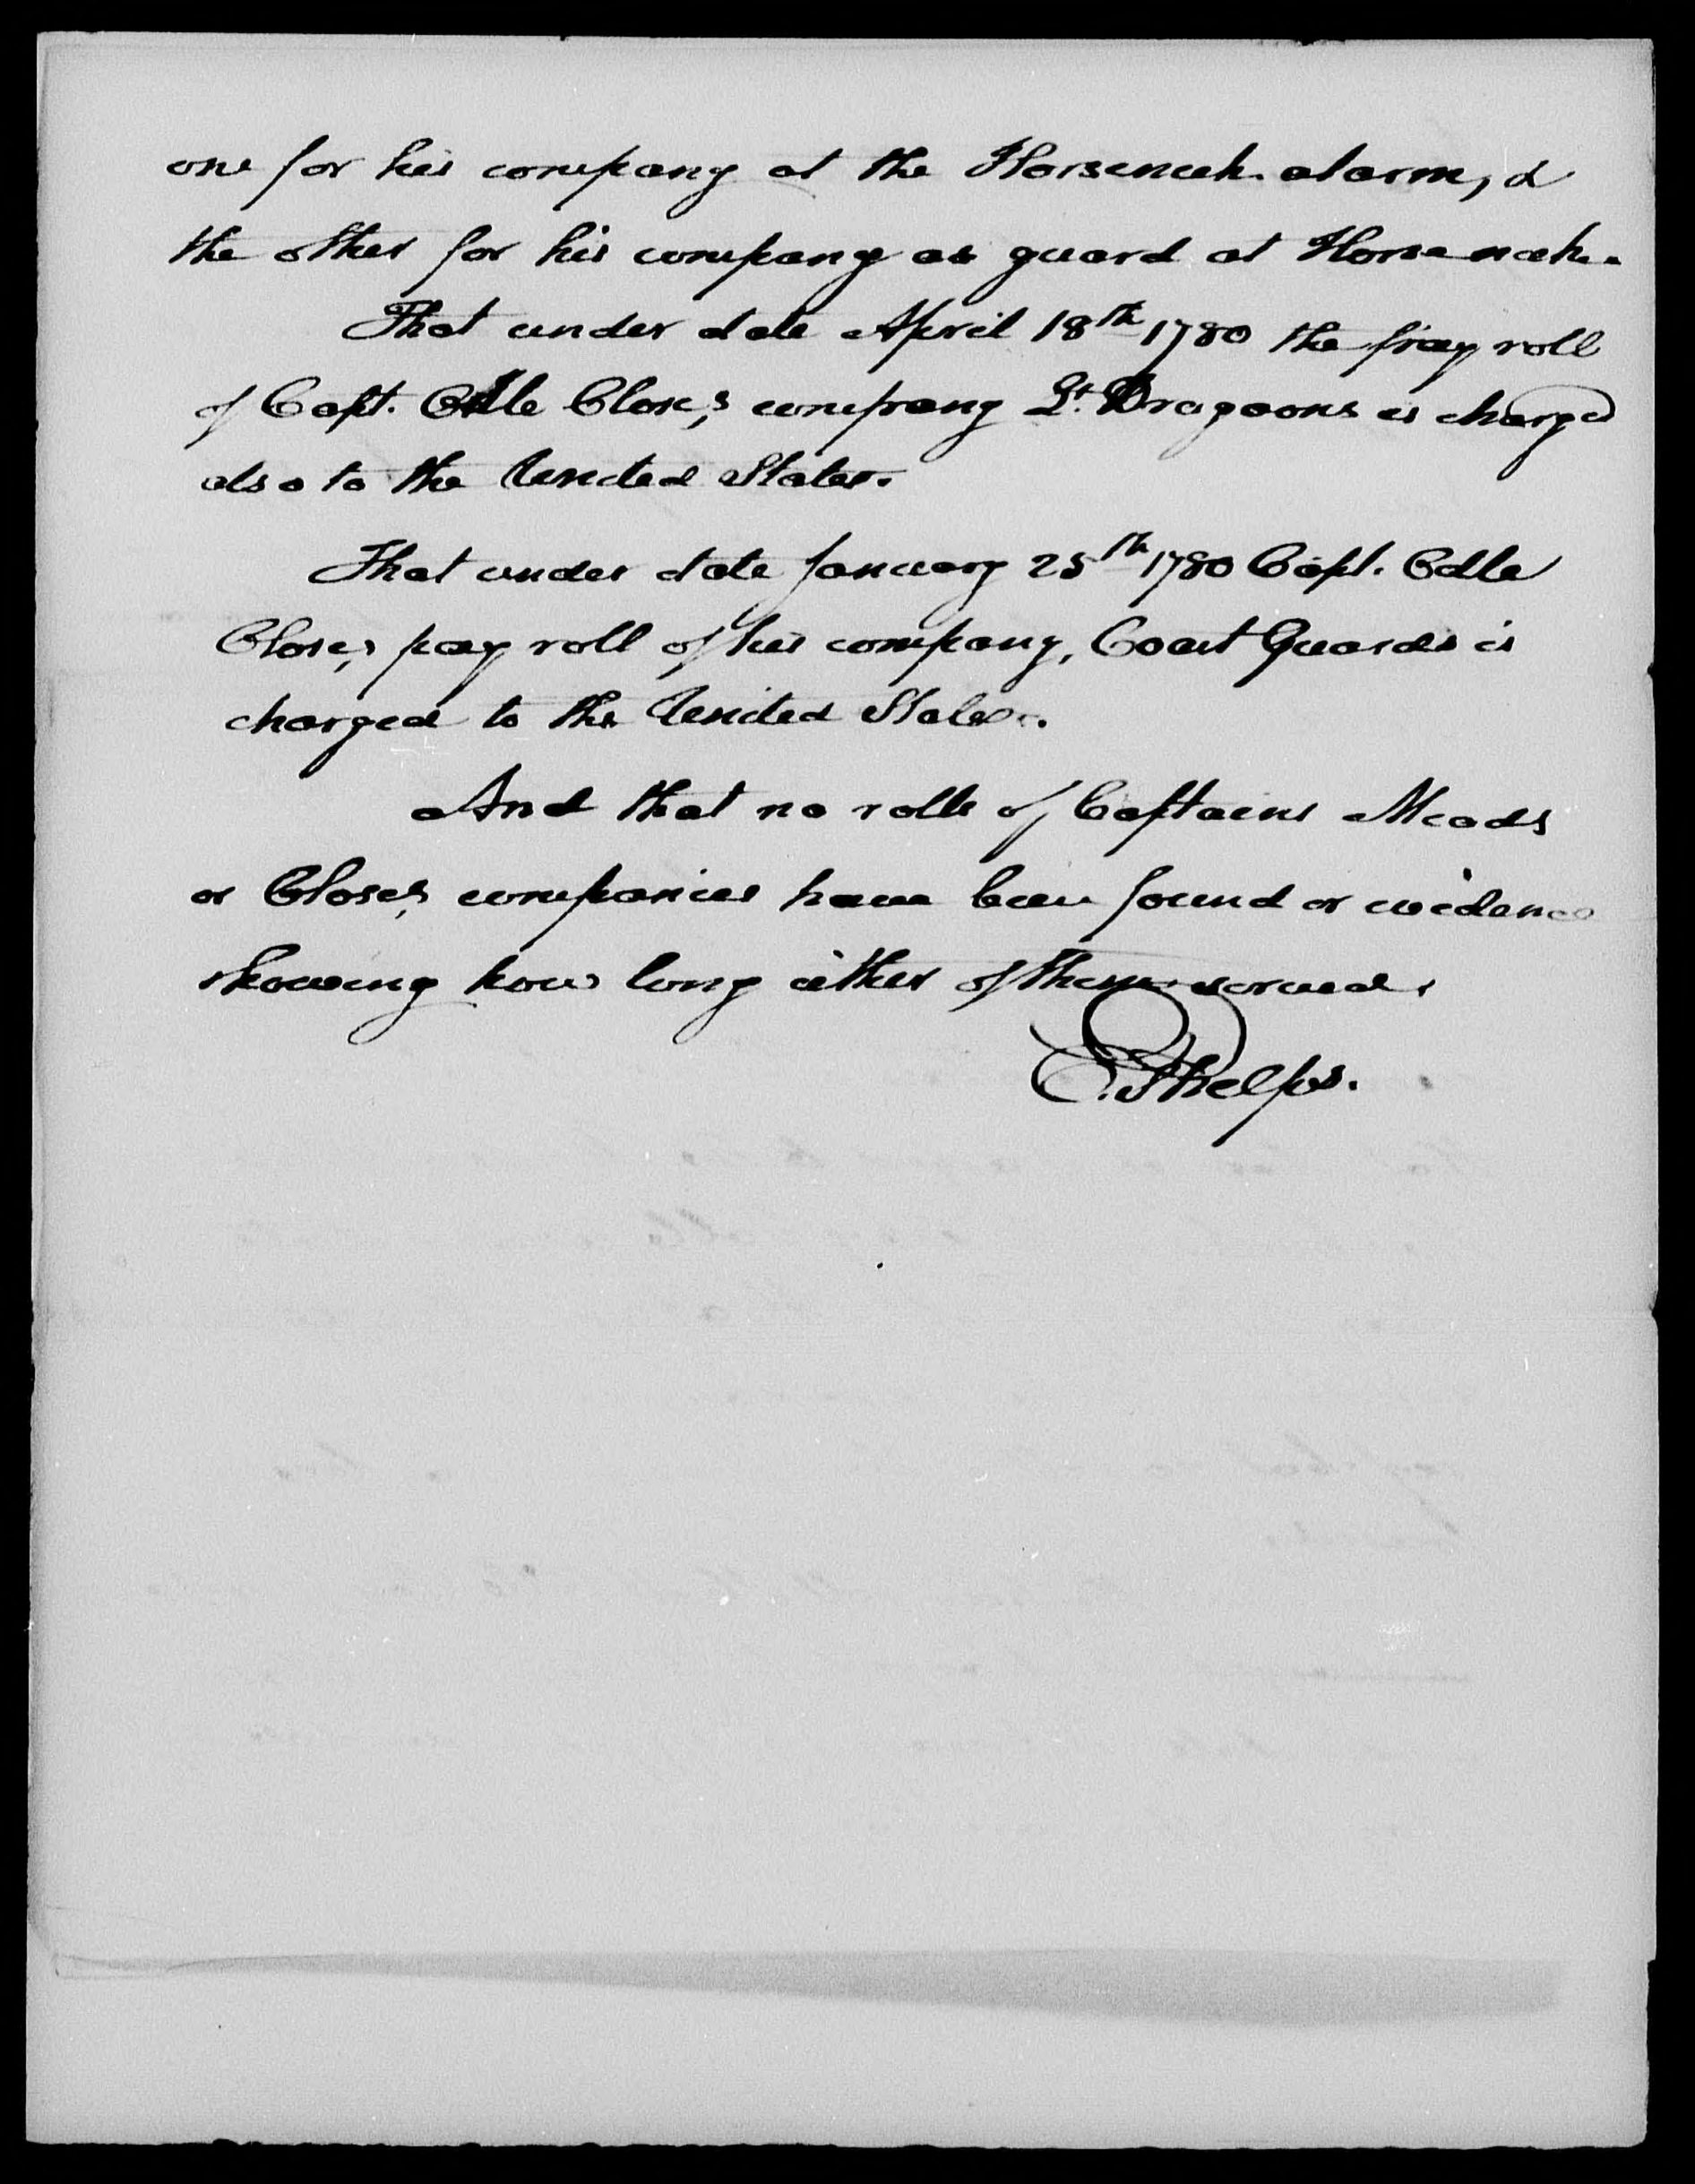one for his company at the Horseneck [alarm?] & the other for his company as guard at Horseneck
That under date April 18th 1780 the pay roll
of Capt. Odle Close's company St. Dragoons is changed also to the United States.
That under date January 25th 1780 Capt. Odle
Close's pay roll of his company, Court Guards is
charged to the United States
And that no rolls of Captain Meads
or Close's companies have been found or evidence showing how long either of these ceased.
E Phelps.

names: Odle Close, E Phelps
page: 16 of 35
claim: survivor's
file: S. 28727, Abraham Finch, Conn.